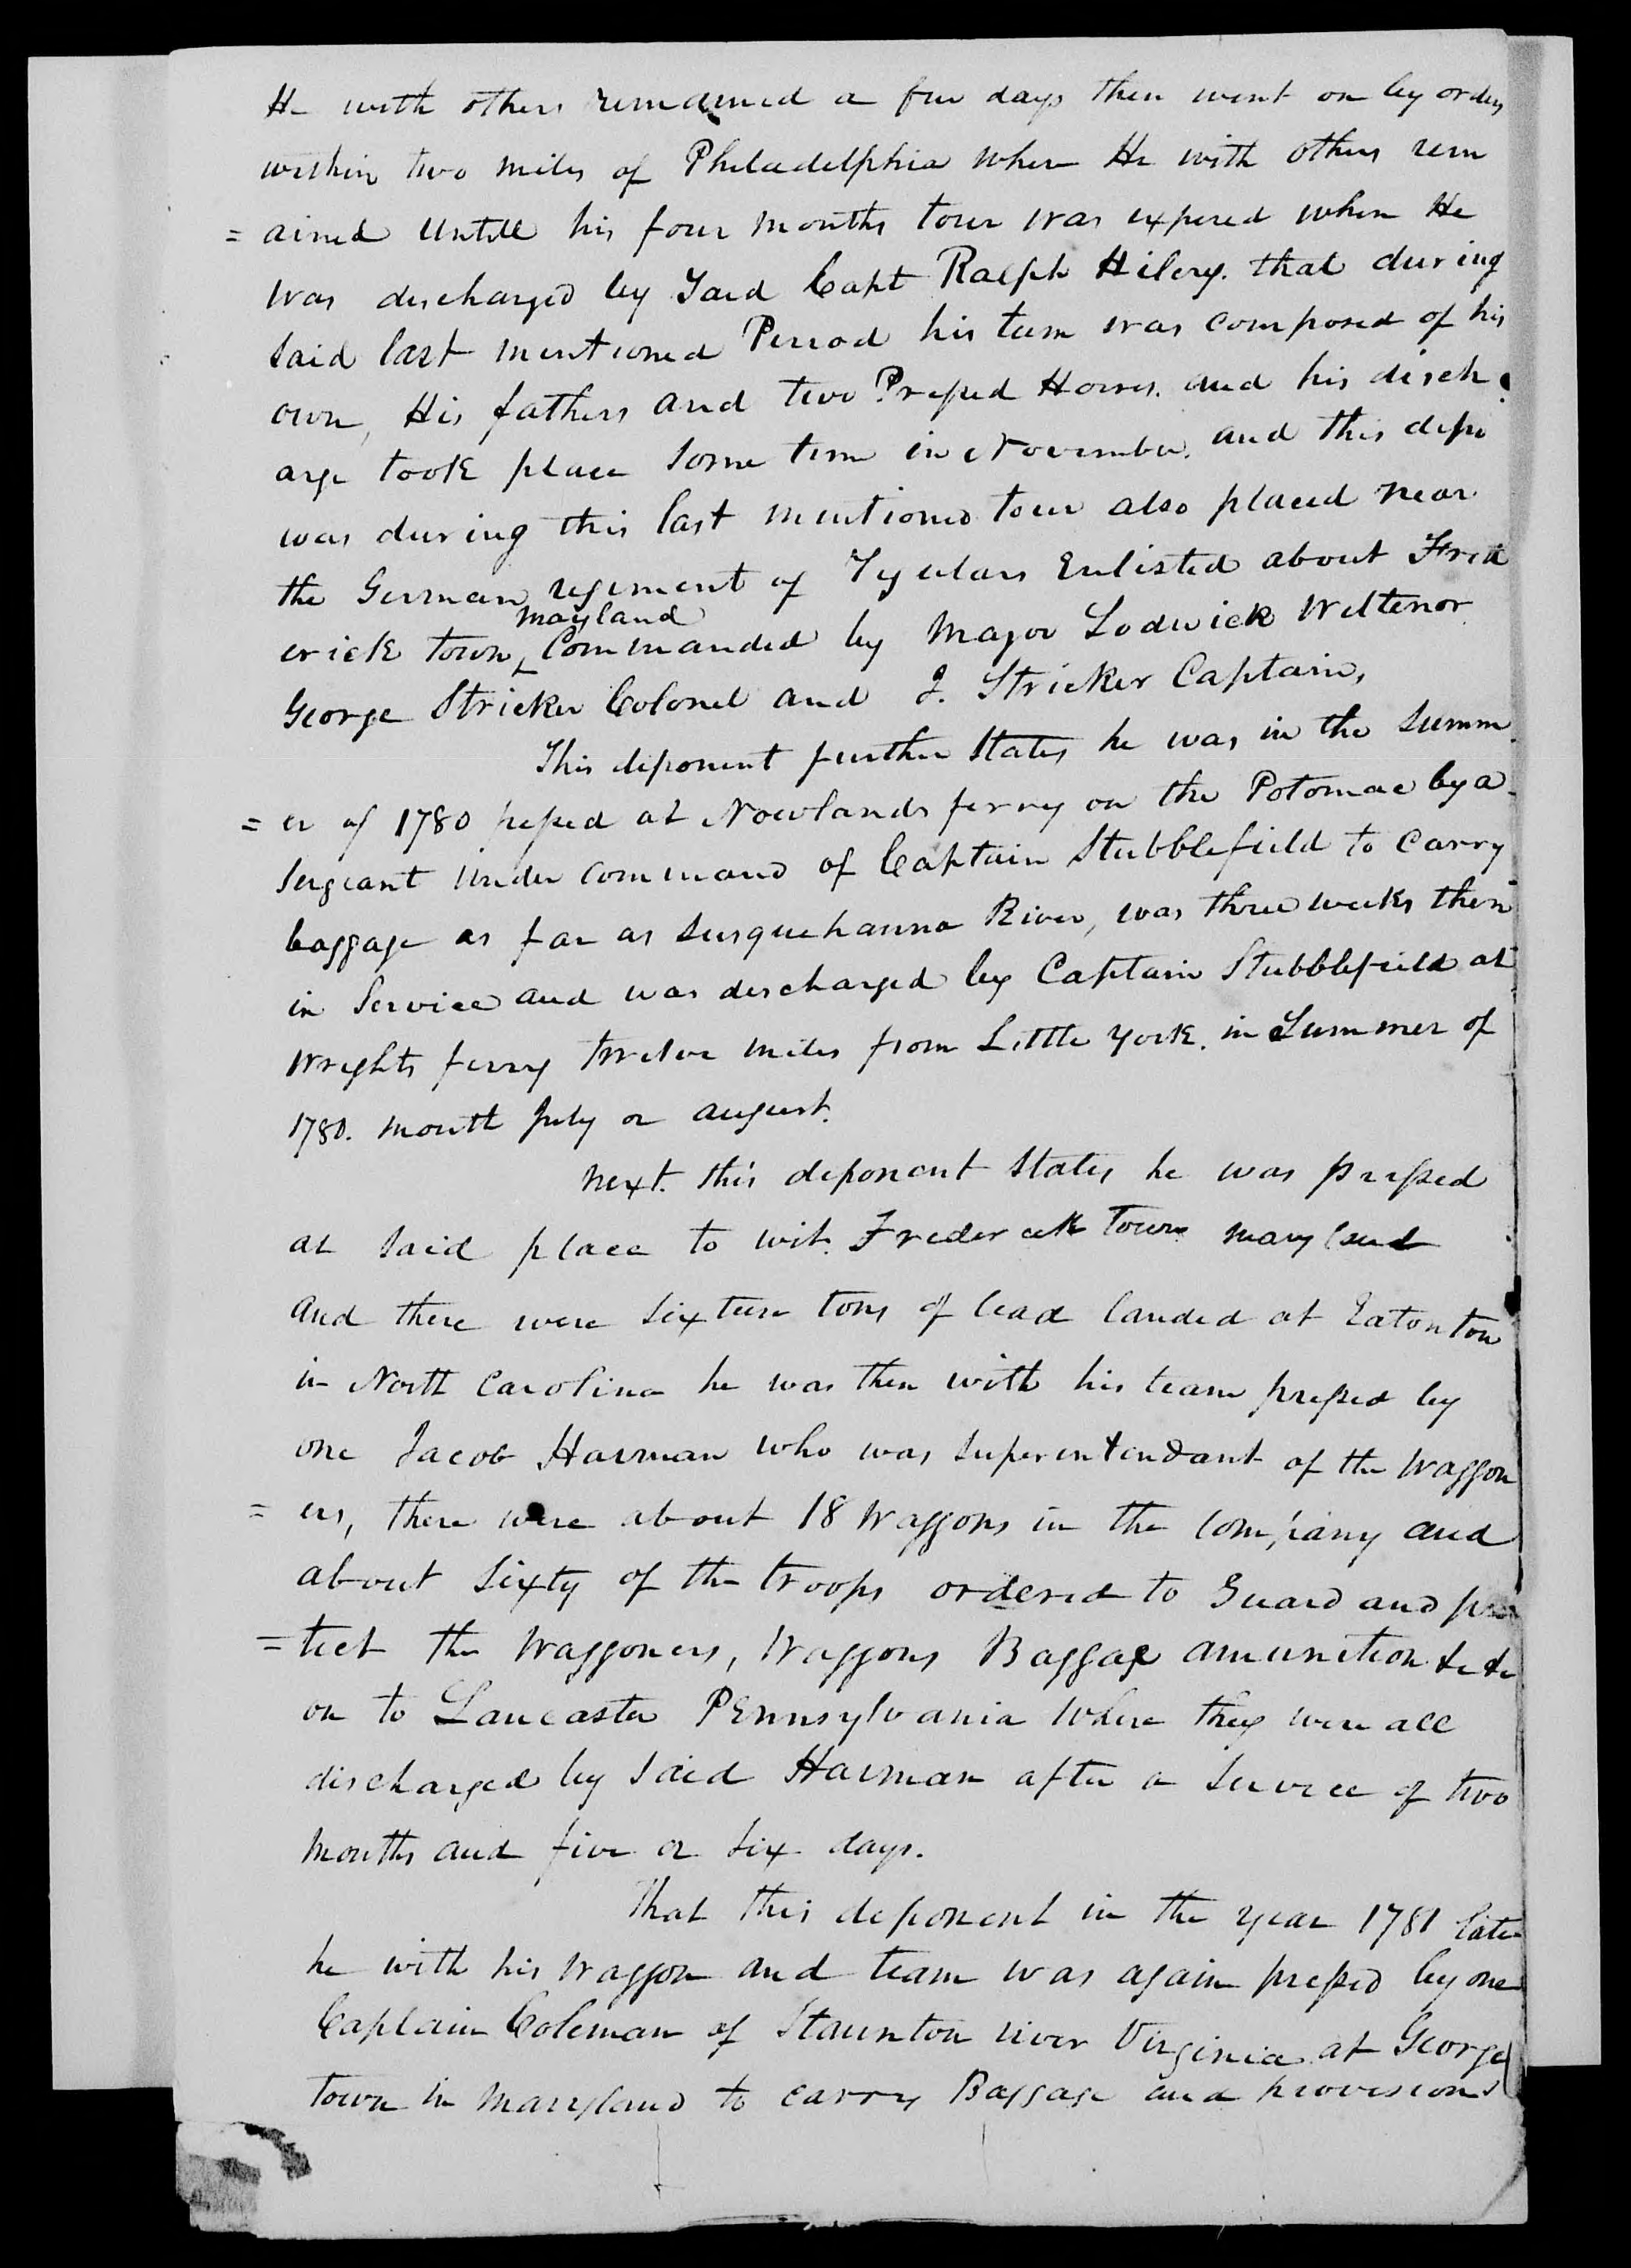He with other remained a few days then went on by order within two miles of Philadelphia where he with others remained until his four months tour was expired when he was discharged by said Capt. Ralph Hilery that during said last mentioned period his team was composed of his own, His fathers and two pressed horses and his discharge took place sometime in November and this deponent was during this last-mentioned tour also placed near the German regiment of regular enlisted about Frederick Town, Maryland commanded by Major Ludwick Wiltenor, George Stricker Colonel and J Stricker Captain.

This deponent further states that he was in the summer of 1780 pressed at Nolan's Ferry on the Potomac by a Sergeant under command of Captain Stubblefield to carry baggage as far as Susquehanna River, was three weeks then in service and was discharged by Captain Stubblefield at Wrights Ferry twelve miles from Little York in Summer of 1780-month July or August.

Next his deponent states he was pressed at said place to wit Frederick Town Maryland and there were sixteen tons of lead landed at Eatontown in North Carolina he was then with his team pressed by one Jacob Harman who was superintendent of the waggoners there were about 18 waggons (wagons) in the company and about sixty of the troops ordered to guard and protect the waggoners, waggons, baggage, ammunition & so on to Lancaster Pennsylvania where they were all discharged by said Harman after a service of two months and five or six days.

That this deponent in the year 1781 late he with his waggon (wagon) and team was again pressed by one Captain Coleman of Staunton River Virginia at Georgetown in Maryland to carry baggage and provisions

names: Ralph Hilery; [BLANK] Coleman; Lodwick Wiltenor; J Stricker; [BLANK] Stubblefield; George Stricker; Jacob Harman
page: 8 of 23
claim: rejected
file: R. 6533, for Jacob Luther, Maryland